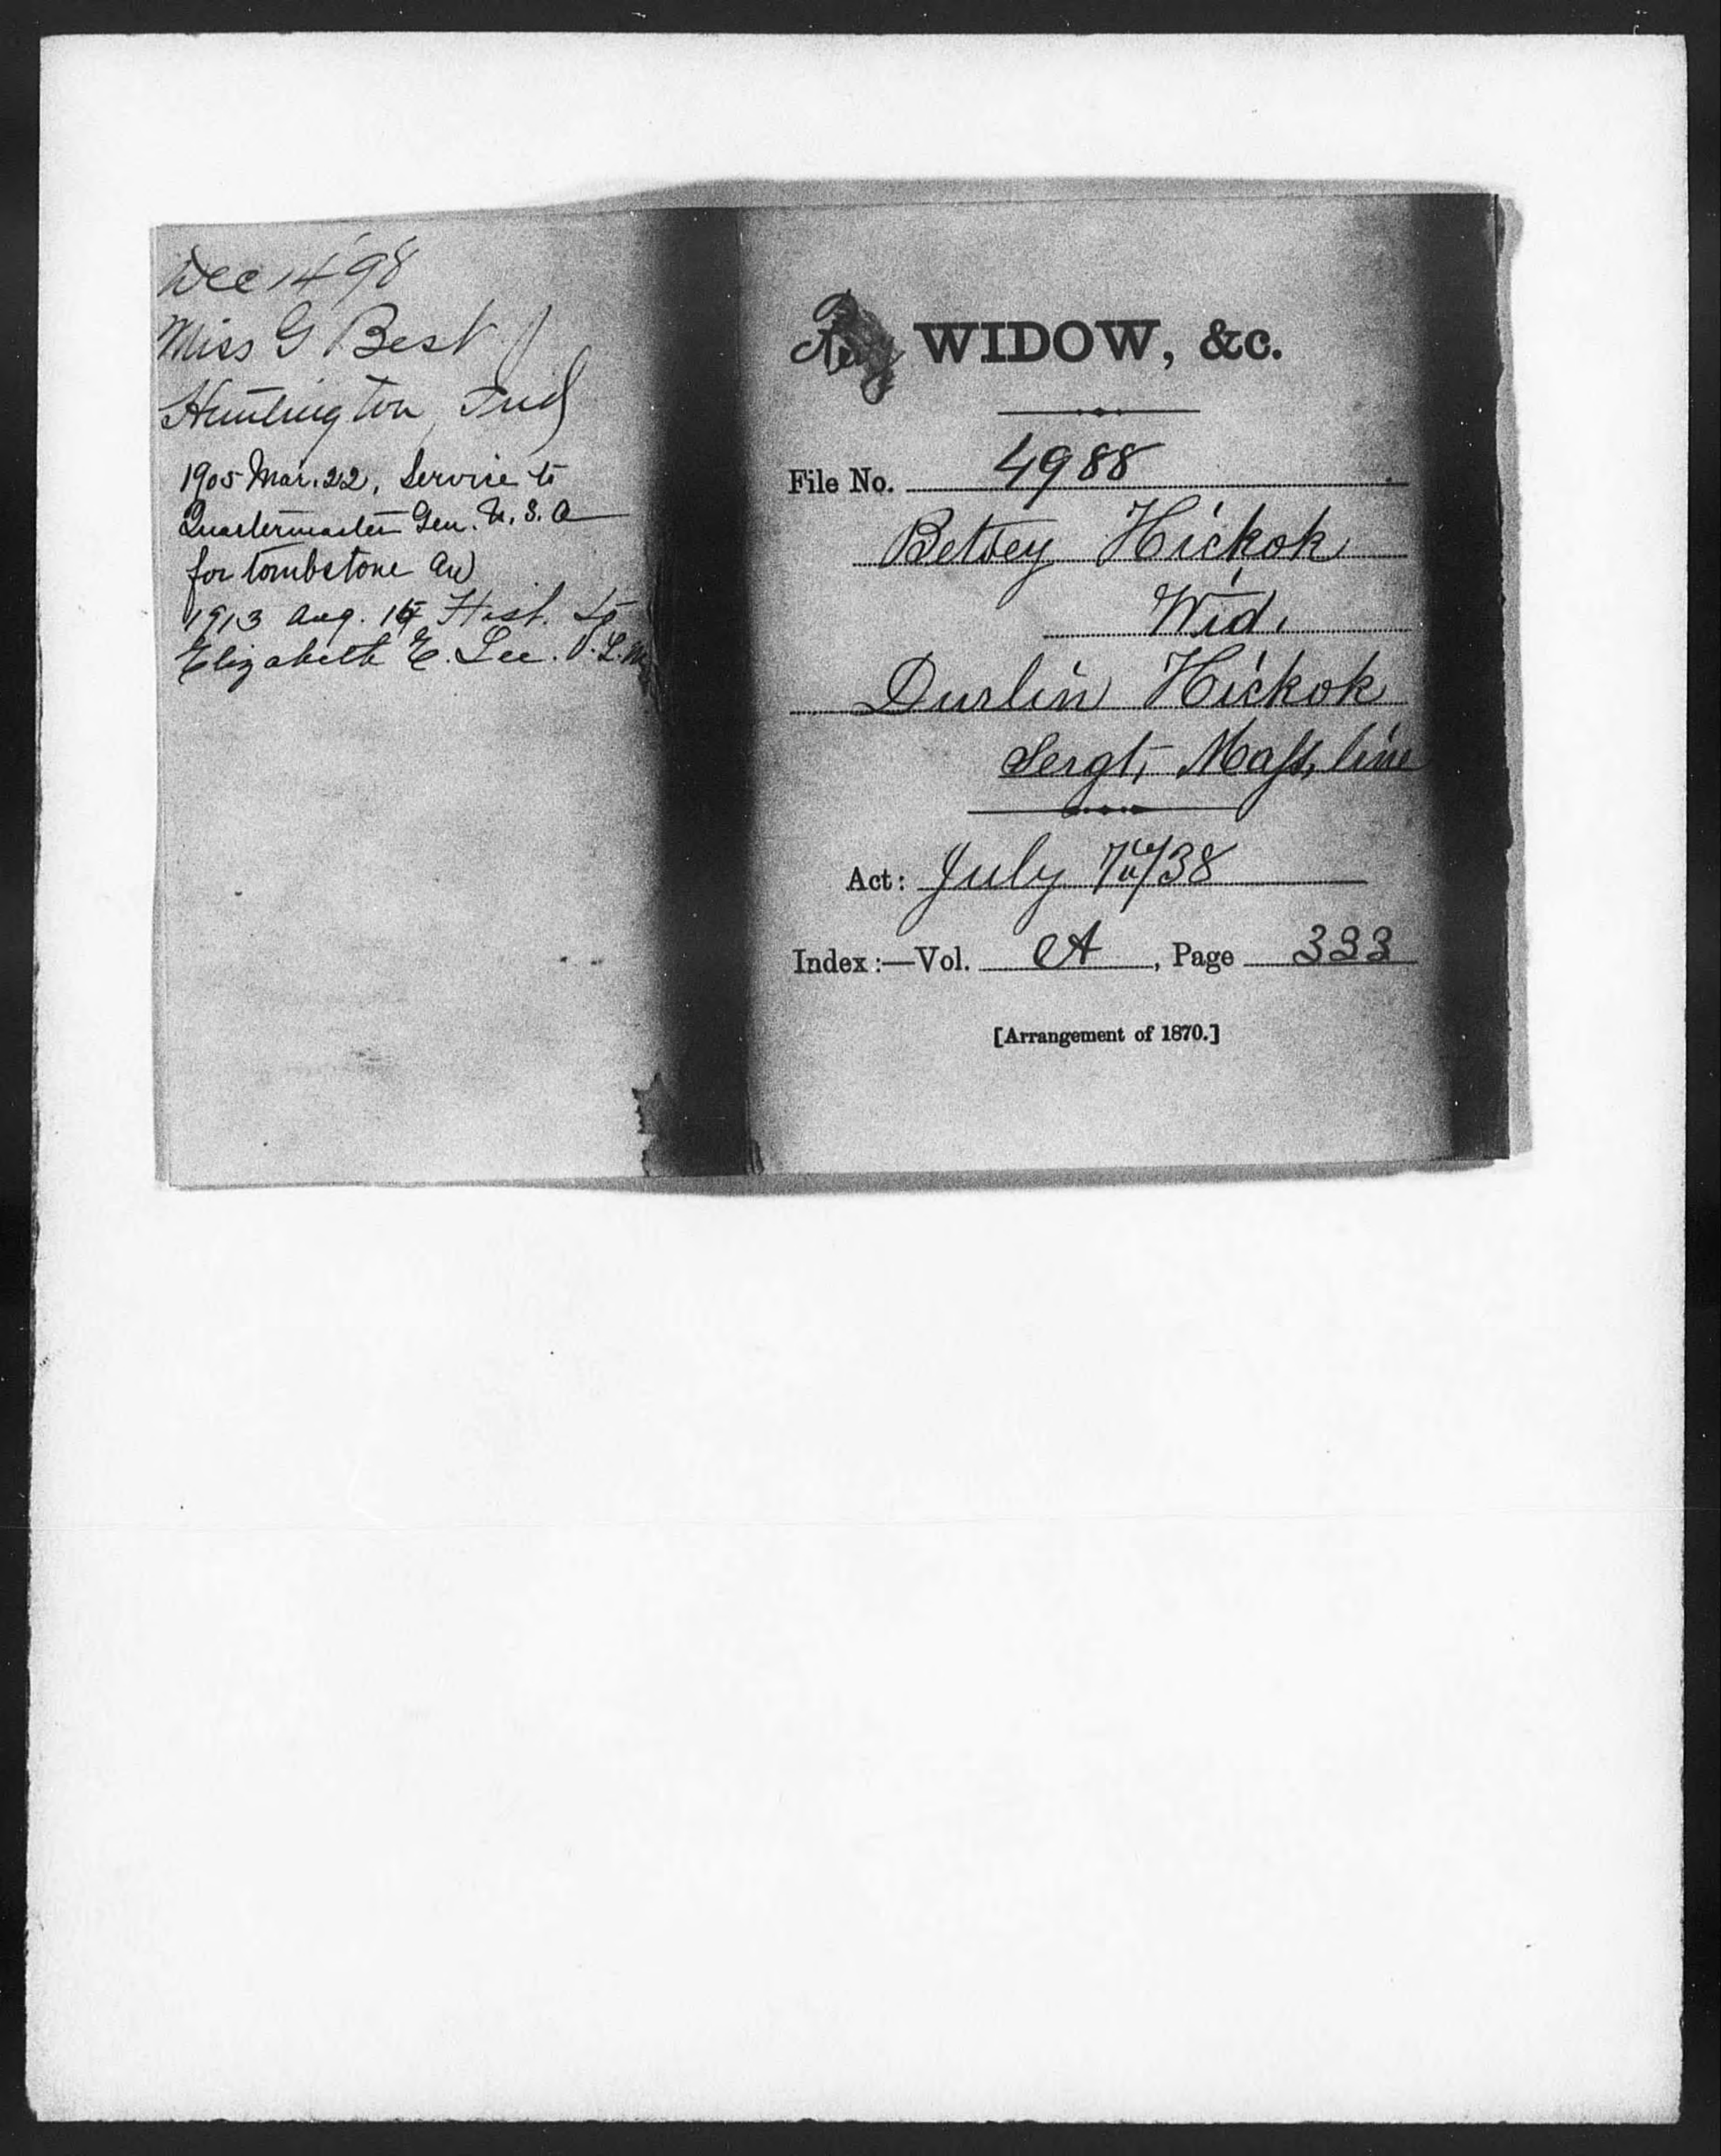(Left side of page)

Dec 14 '98
Miss G. Best
Huntington, Ind

1905 Mar. 22, Service to
Quartermaster Gen. U.S.A.
for tombstone   on
1913 Aug. 15 Hist. to
Elizabeth E. Lee V.L.M.

(Right side of page)
Pevy(crossed out)   

  WIDOW, &c.

File No.   4988
    Betsey Hickok
         Wid.
    Durbin Hickok
         Sergt. Mass, line
Act:  July 7th /38

Index:--Vol.    ct ,  Page 333

{Arrangement of 1870}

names: G Best, Durlin Hickok, Betsey Hickok, Elizabeth E Lee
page: 21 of 45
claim: widow's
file: W. 4988, Durlin Hickok, Mass.